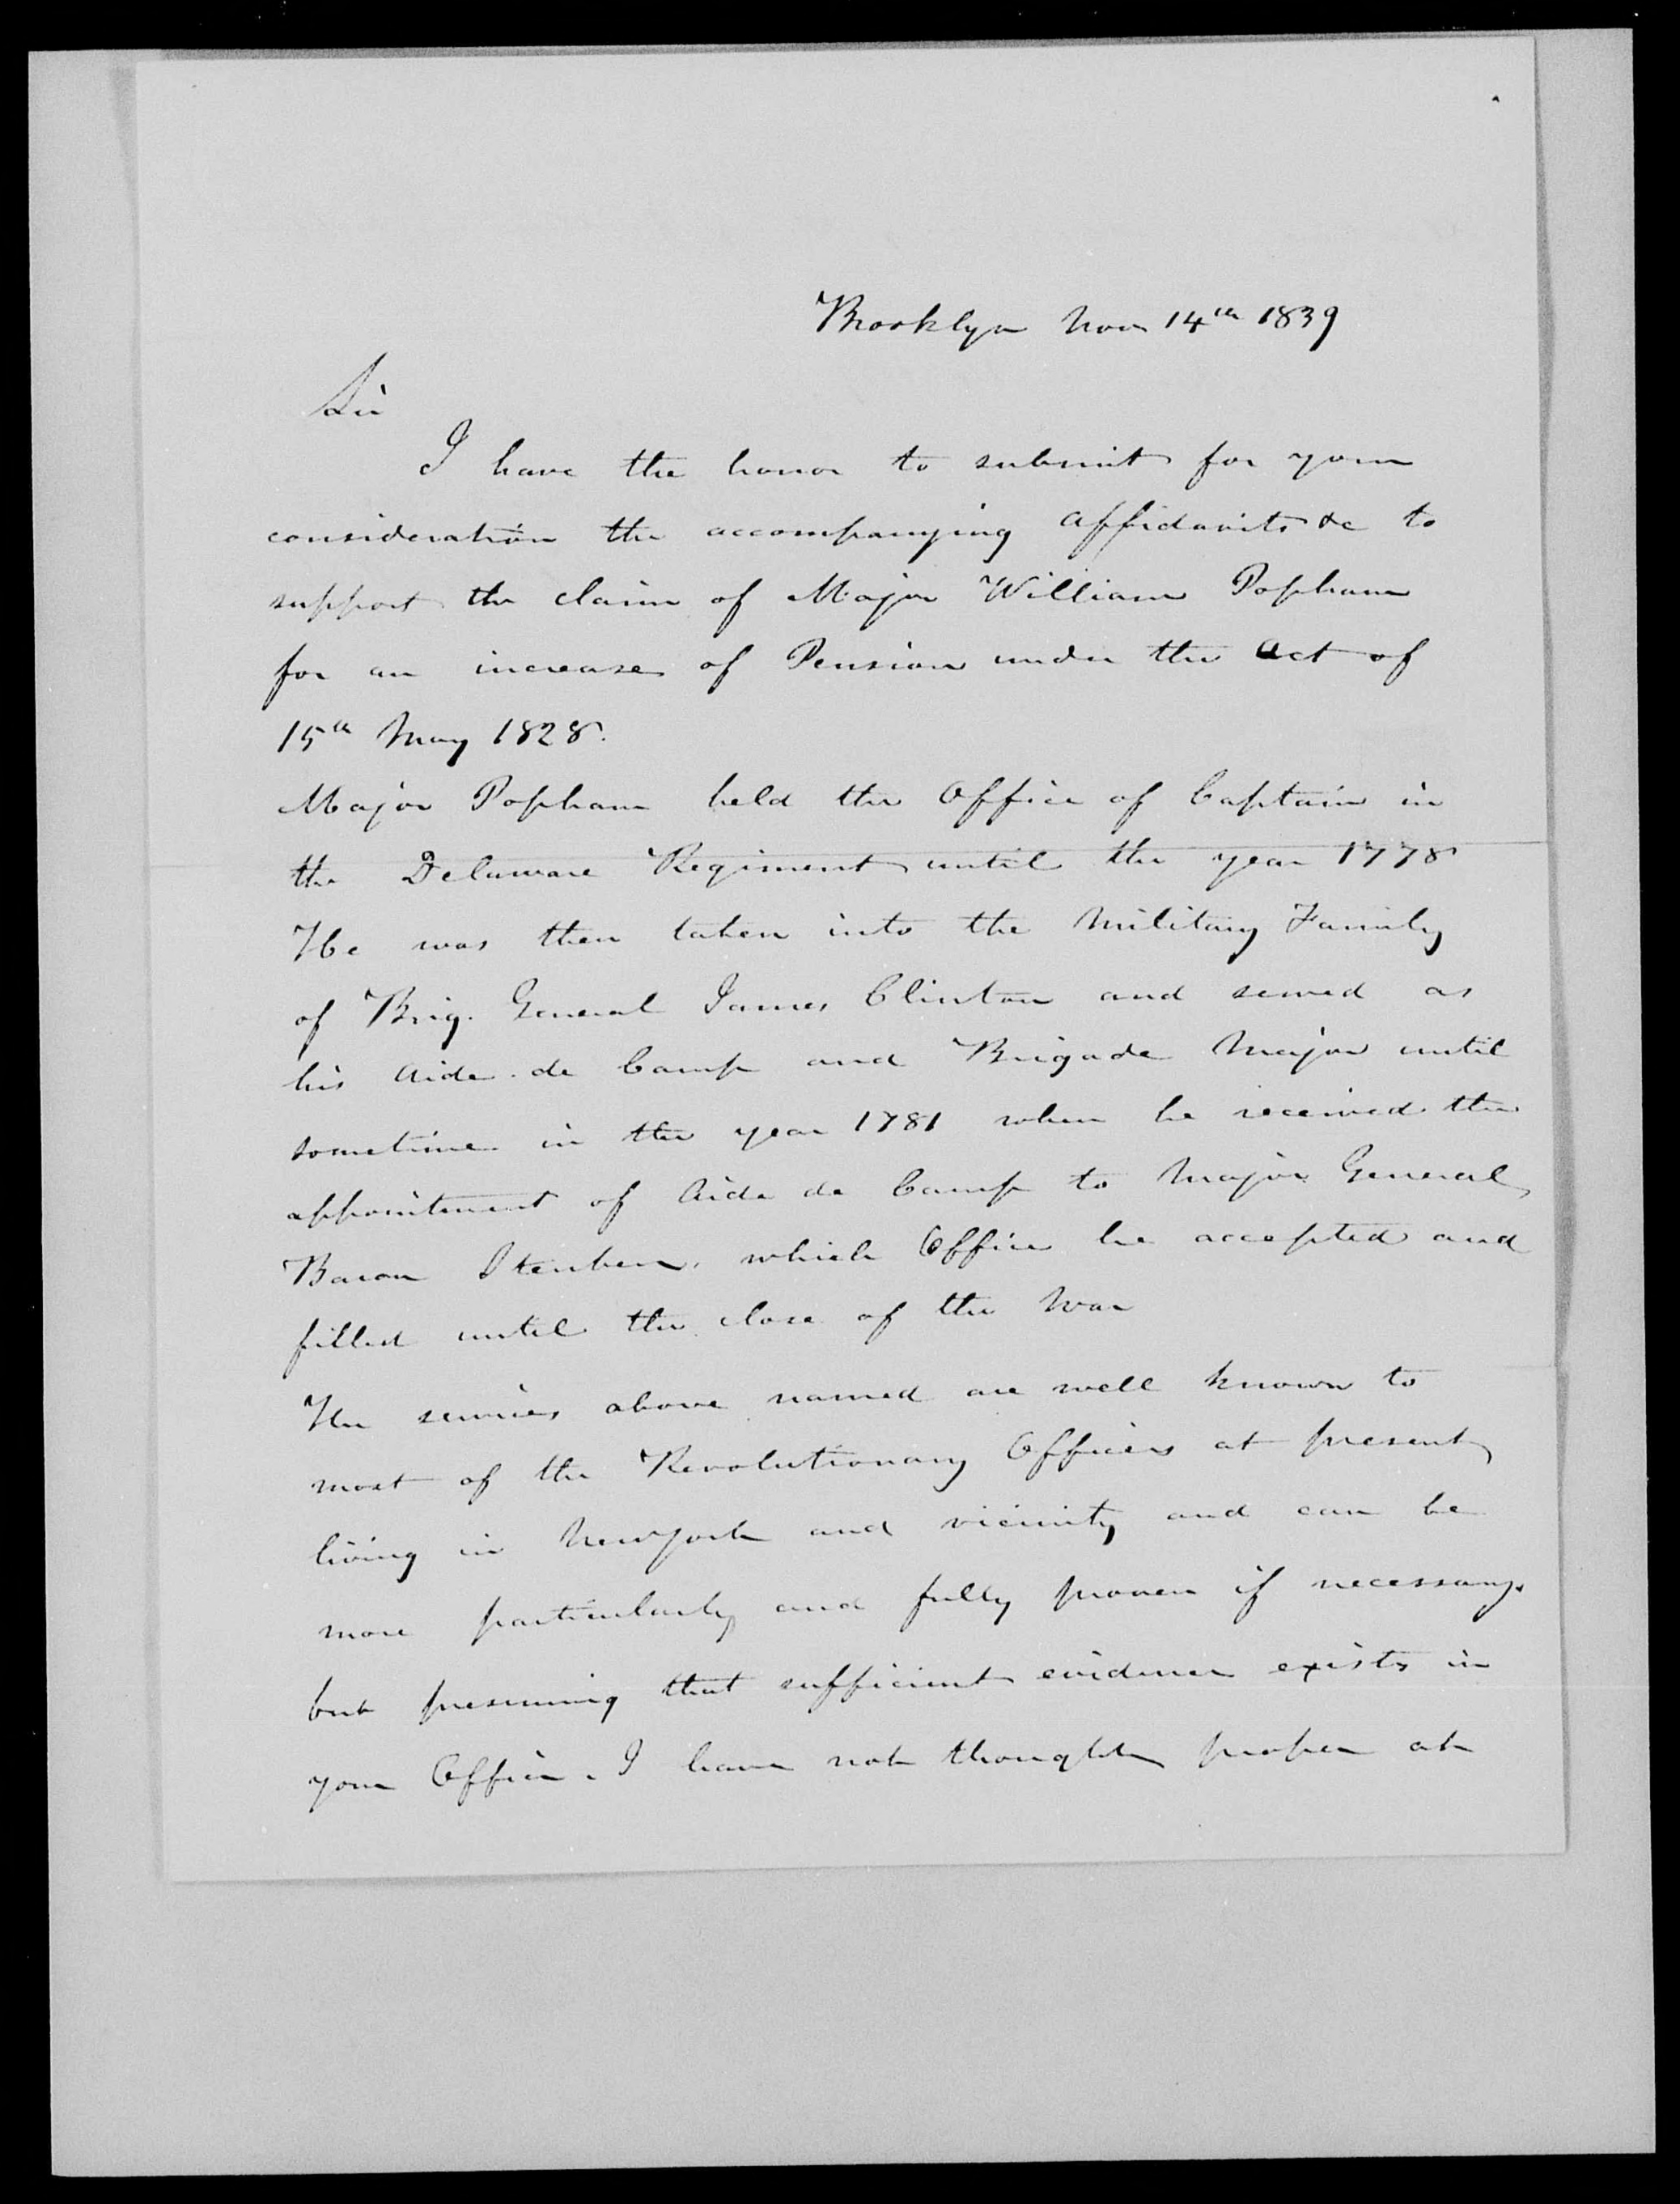Brooklyn Nov 14th 1839
Sir
I have the honor to submit for your
consideration the accompanying affidavits &c to
support the claim of Major William Popham
for an increase
of Pension under the act of
15th May 1828.
Major Popham
held the office of Captain in
the Delaware
Regiment until the year 1778
He was then taken into the Military Family
of Brig. General James
Clinton and served
his Aide de Camp and Brigade Major until
sometime in the year 1781 when he received the
appointment of Aid de Camp to Major General
Baron Steuben which office be accepted and
filled until the close of the war
The series above named are well known to
most of the Revolutionary Officers at present
living in New York and vicinity and can be
more
particularly and fully proven if necessary.
but presuming
that sufficient evidence exists in
your office. I have not thought further at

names: Baron Steuben; William Popham; James Clinton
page: 39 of 75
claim: survivor's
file: S. 9989, for William Popham, Delaware